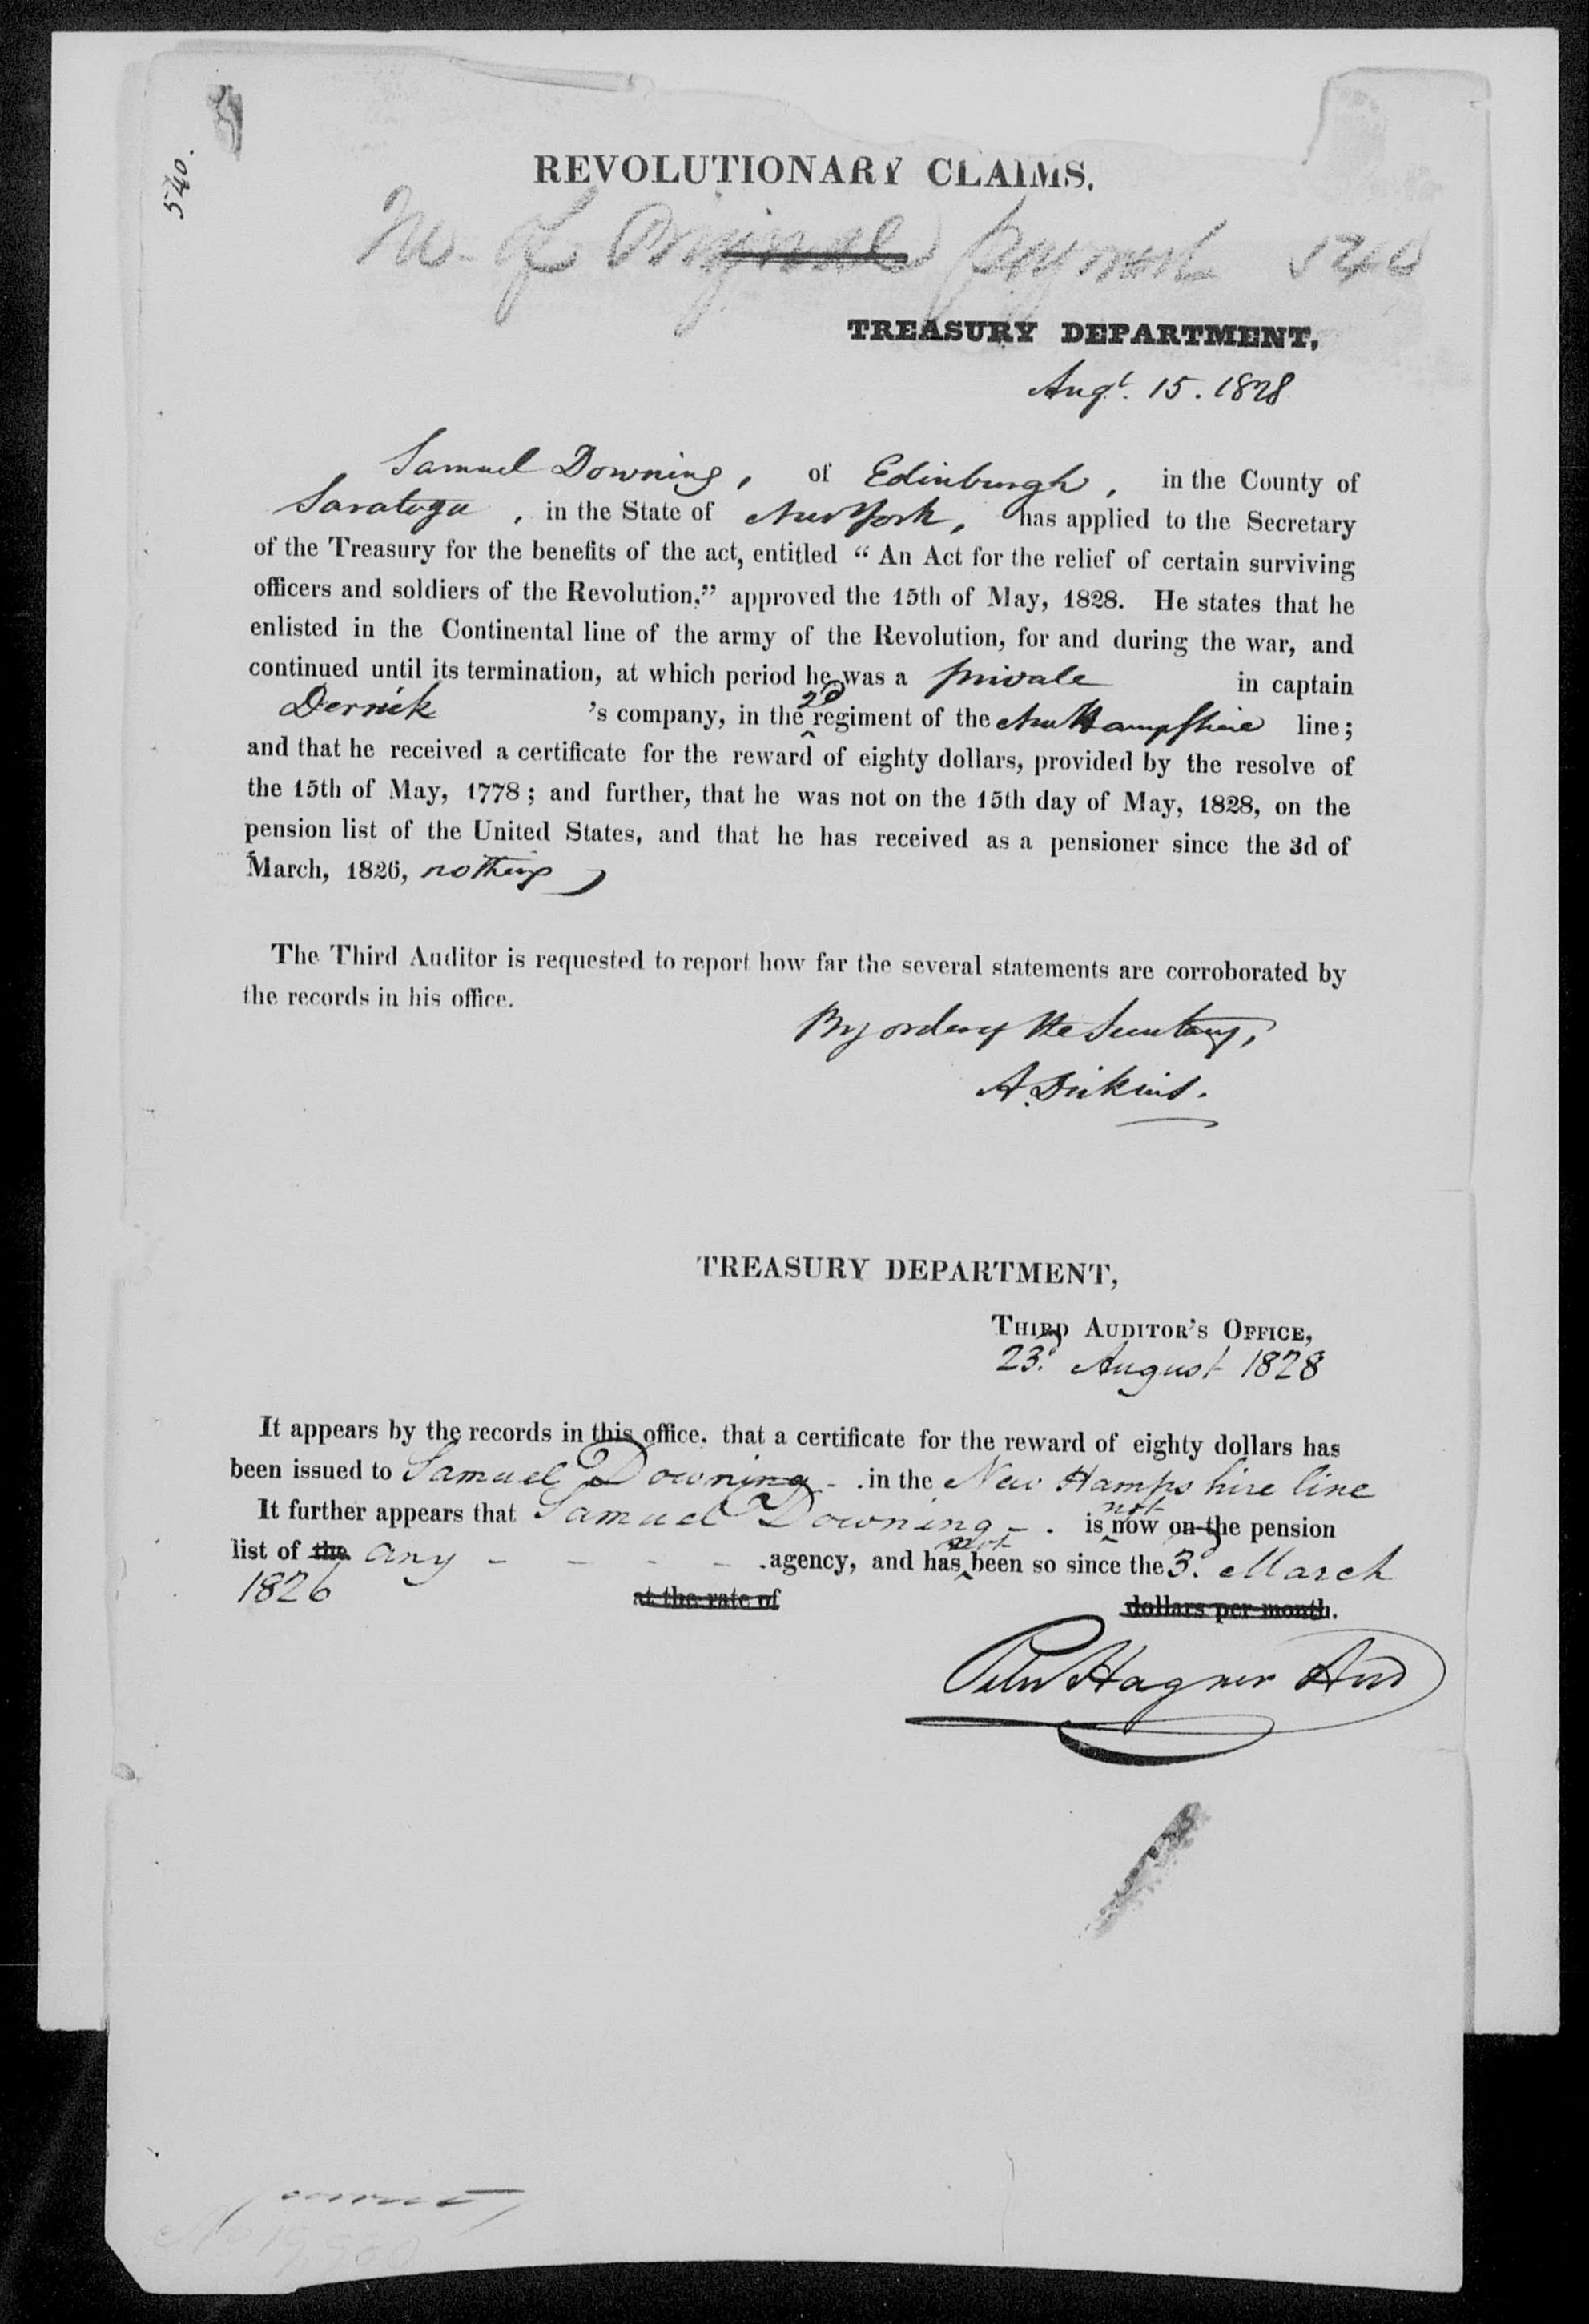REVOLUTIONARY CLAIMS.
No. of Original Payment 540
TREASURY DEPARTMENT 
Augt 15. 1828
Samuel Downing, of Edinburgh, in the County of Saratoga, in the State of New York, has applied to the Treasury for the benefits of the act, entitled “An Act for the relief of certain surviving officers and soldiers of Revolution,” approved the 15th of May, 1828. He states that he enlisted in the Continental line of the army of the Revolution, for and during the war, and continued until its termination, at which period he was a private in Captain Derrick’s company, in the 2d regiment of the New Hampshire line; and that he received a certificate for the reward of eighty dollars, provided by the resolve of the 15th of May, 1778; and further, that he was not on the 15th day of May, 1828, on the pension list of the United States, and that he has received as a pensioner since the 3d of March, 1826, nothing,
The Third Auditor is requested to report how far the several statements are corroborated by the records in his office.
By order the Secretary,
A. (illegible)
TREASURY DEPARTMENT 
THIRD AUDITOR’S OFFICE
23d August  1828
It appears by the records in this office, that a certificate for the reward of eighty dollars has been issued to Samuel Downing in the New Hampshire,line 
It further appears that Samuel Downing is not now on the pension list of any agency, and has not been since the 3d March 1826 (crossed out)
(illegible)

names: Samuel Downing, Derrick, Samuel Downing, A Dickins, Samuel Downing, Peter Hagner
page: 46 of 56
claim: survivor's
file: S. 40,055, Samuel Downing, N.H.